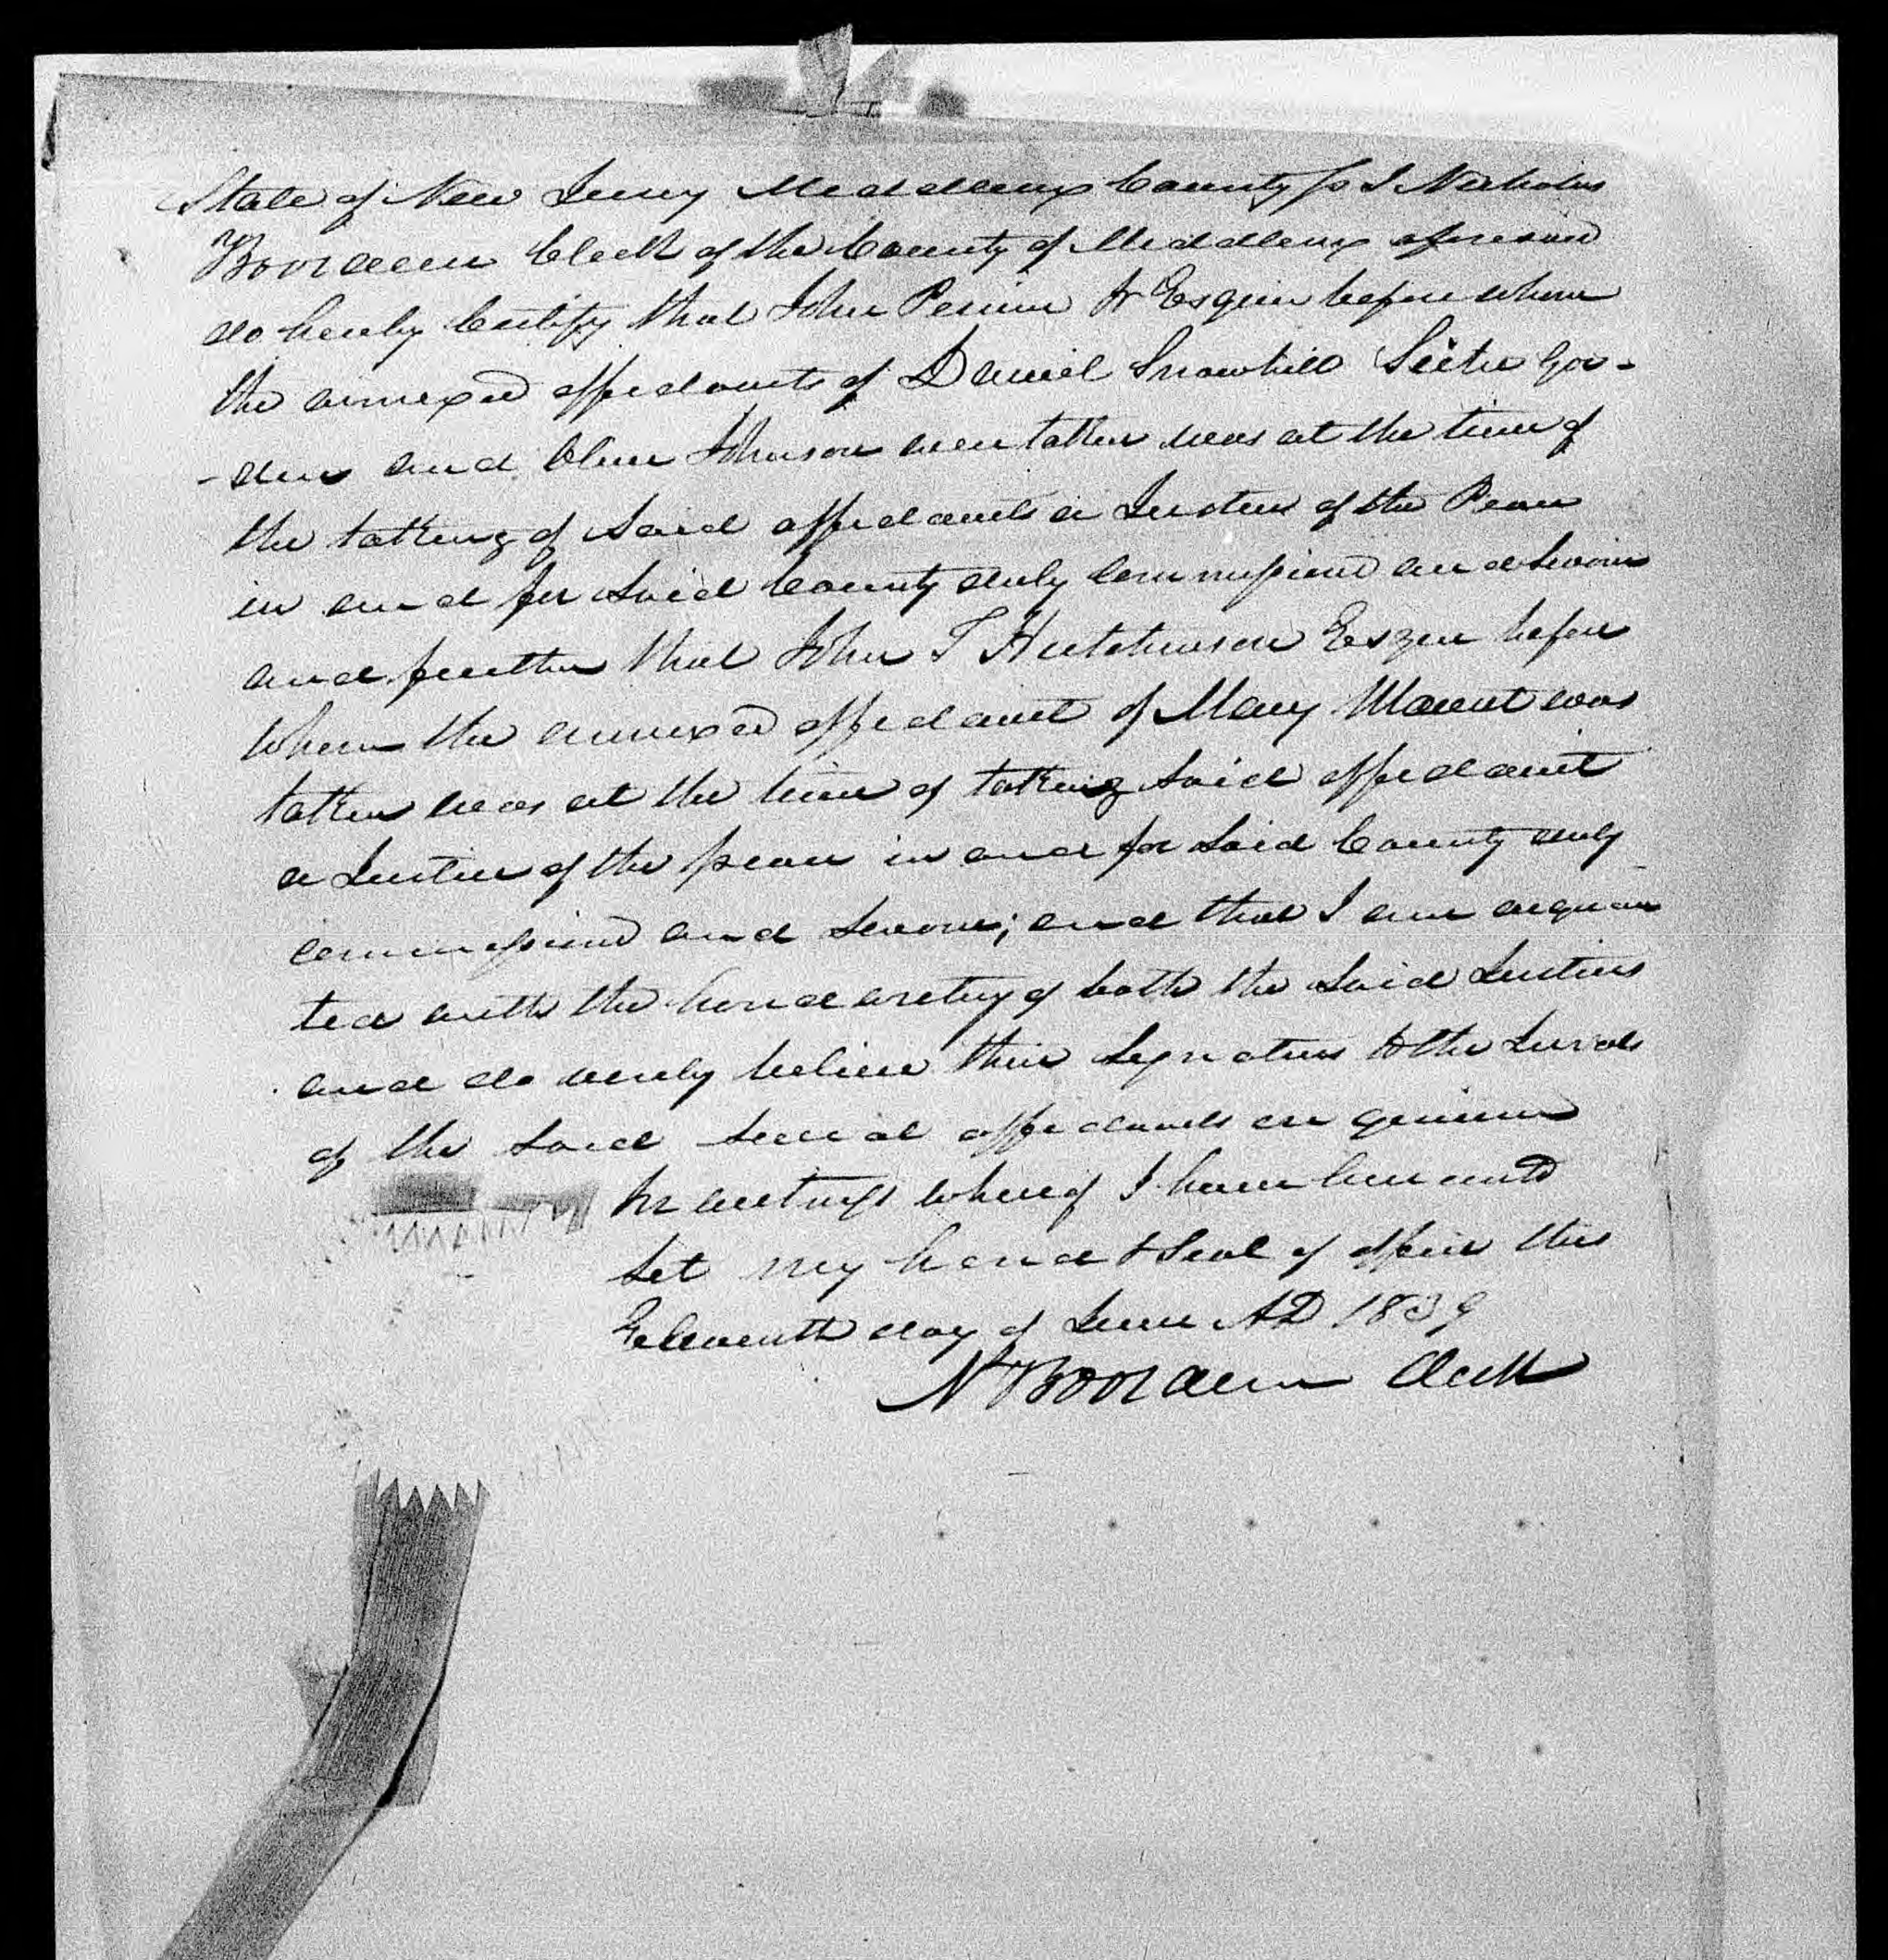State of New Jersey Middlesex County S S I Nicholas Booraem Clerk of the County of Middlesex aforesaid do hereby Certify that John Perrine Esquire before whom the annexed affidavit of Daniel Snowhill Lieut. Governor and Olive Johnson were taken was at the time of
the taking of said affidavits a Justice of the Peace in and for said County duly commissioned and sworn and further that John T Hutchinson Esq before whom the annexed affidavit of Mary Mount was taken was at the time of taking said affidavit a Justice of the peace in and for said County duly commissioned and sworn, and that I am acquainted with the hand writing of both the said Justices and do verily believe their signatures to the said affidavits are genuine.

In witness whereof I have hereunto
set my hand & Seal of office this
Eleventh day of June AD 1839
N Booraem Clerk
[seal affixed at left]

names: Mary Mount, Olive Johnson, John Perrine, Daniel Snowhill, Siche Gordens, John T Hutchinson, Nicholas Booraem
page: 34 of 34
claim: widow's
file: W. 940, John Hulshart, New Jersey